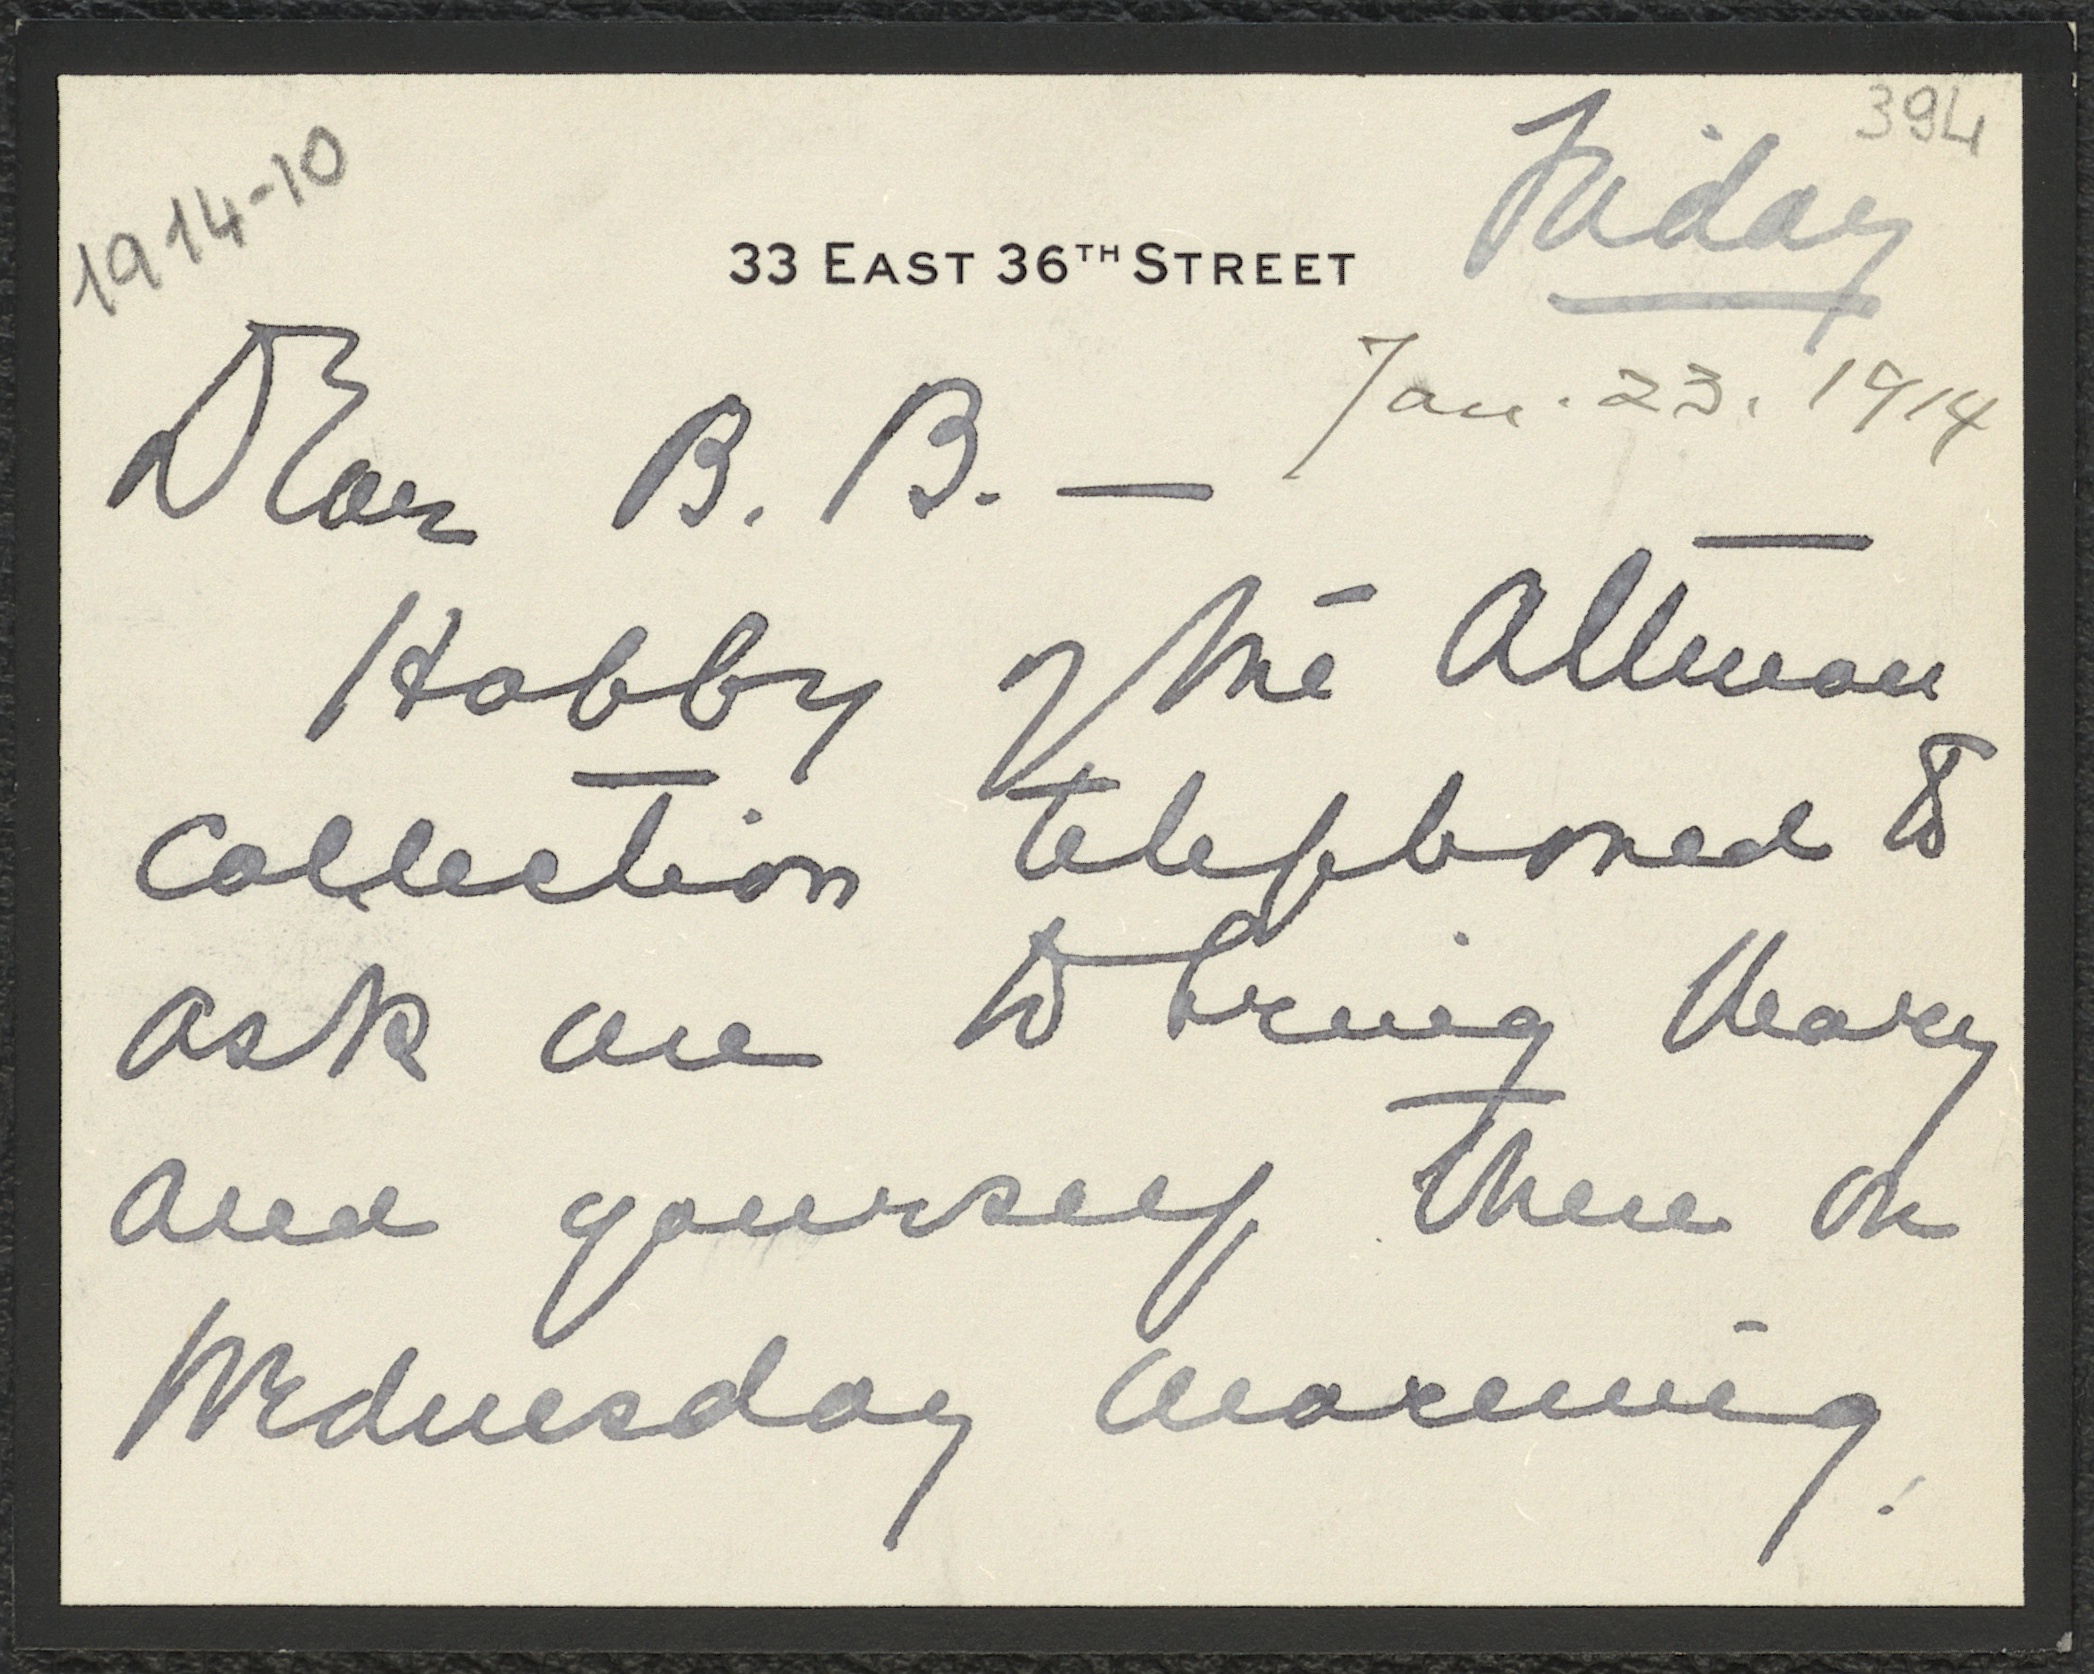Friday
Dear B.B. –
Hobby of the Altman collection telephoned to ask me to bring Mary and yourself there on Wednesday morning.